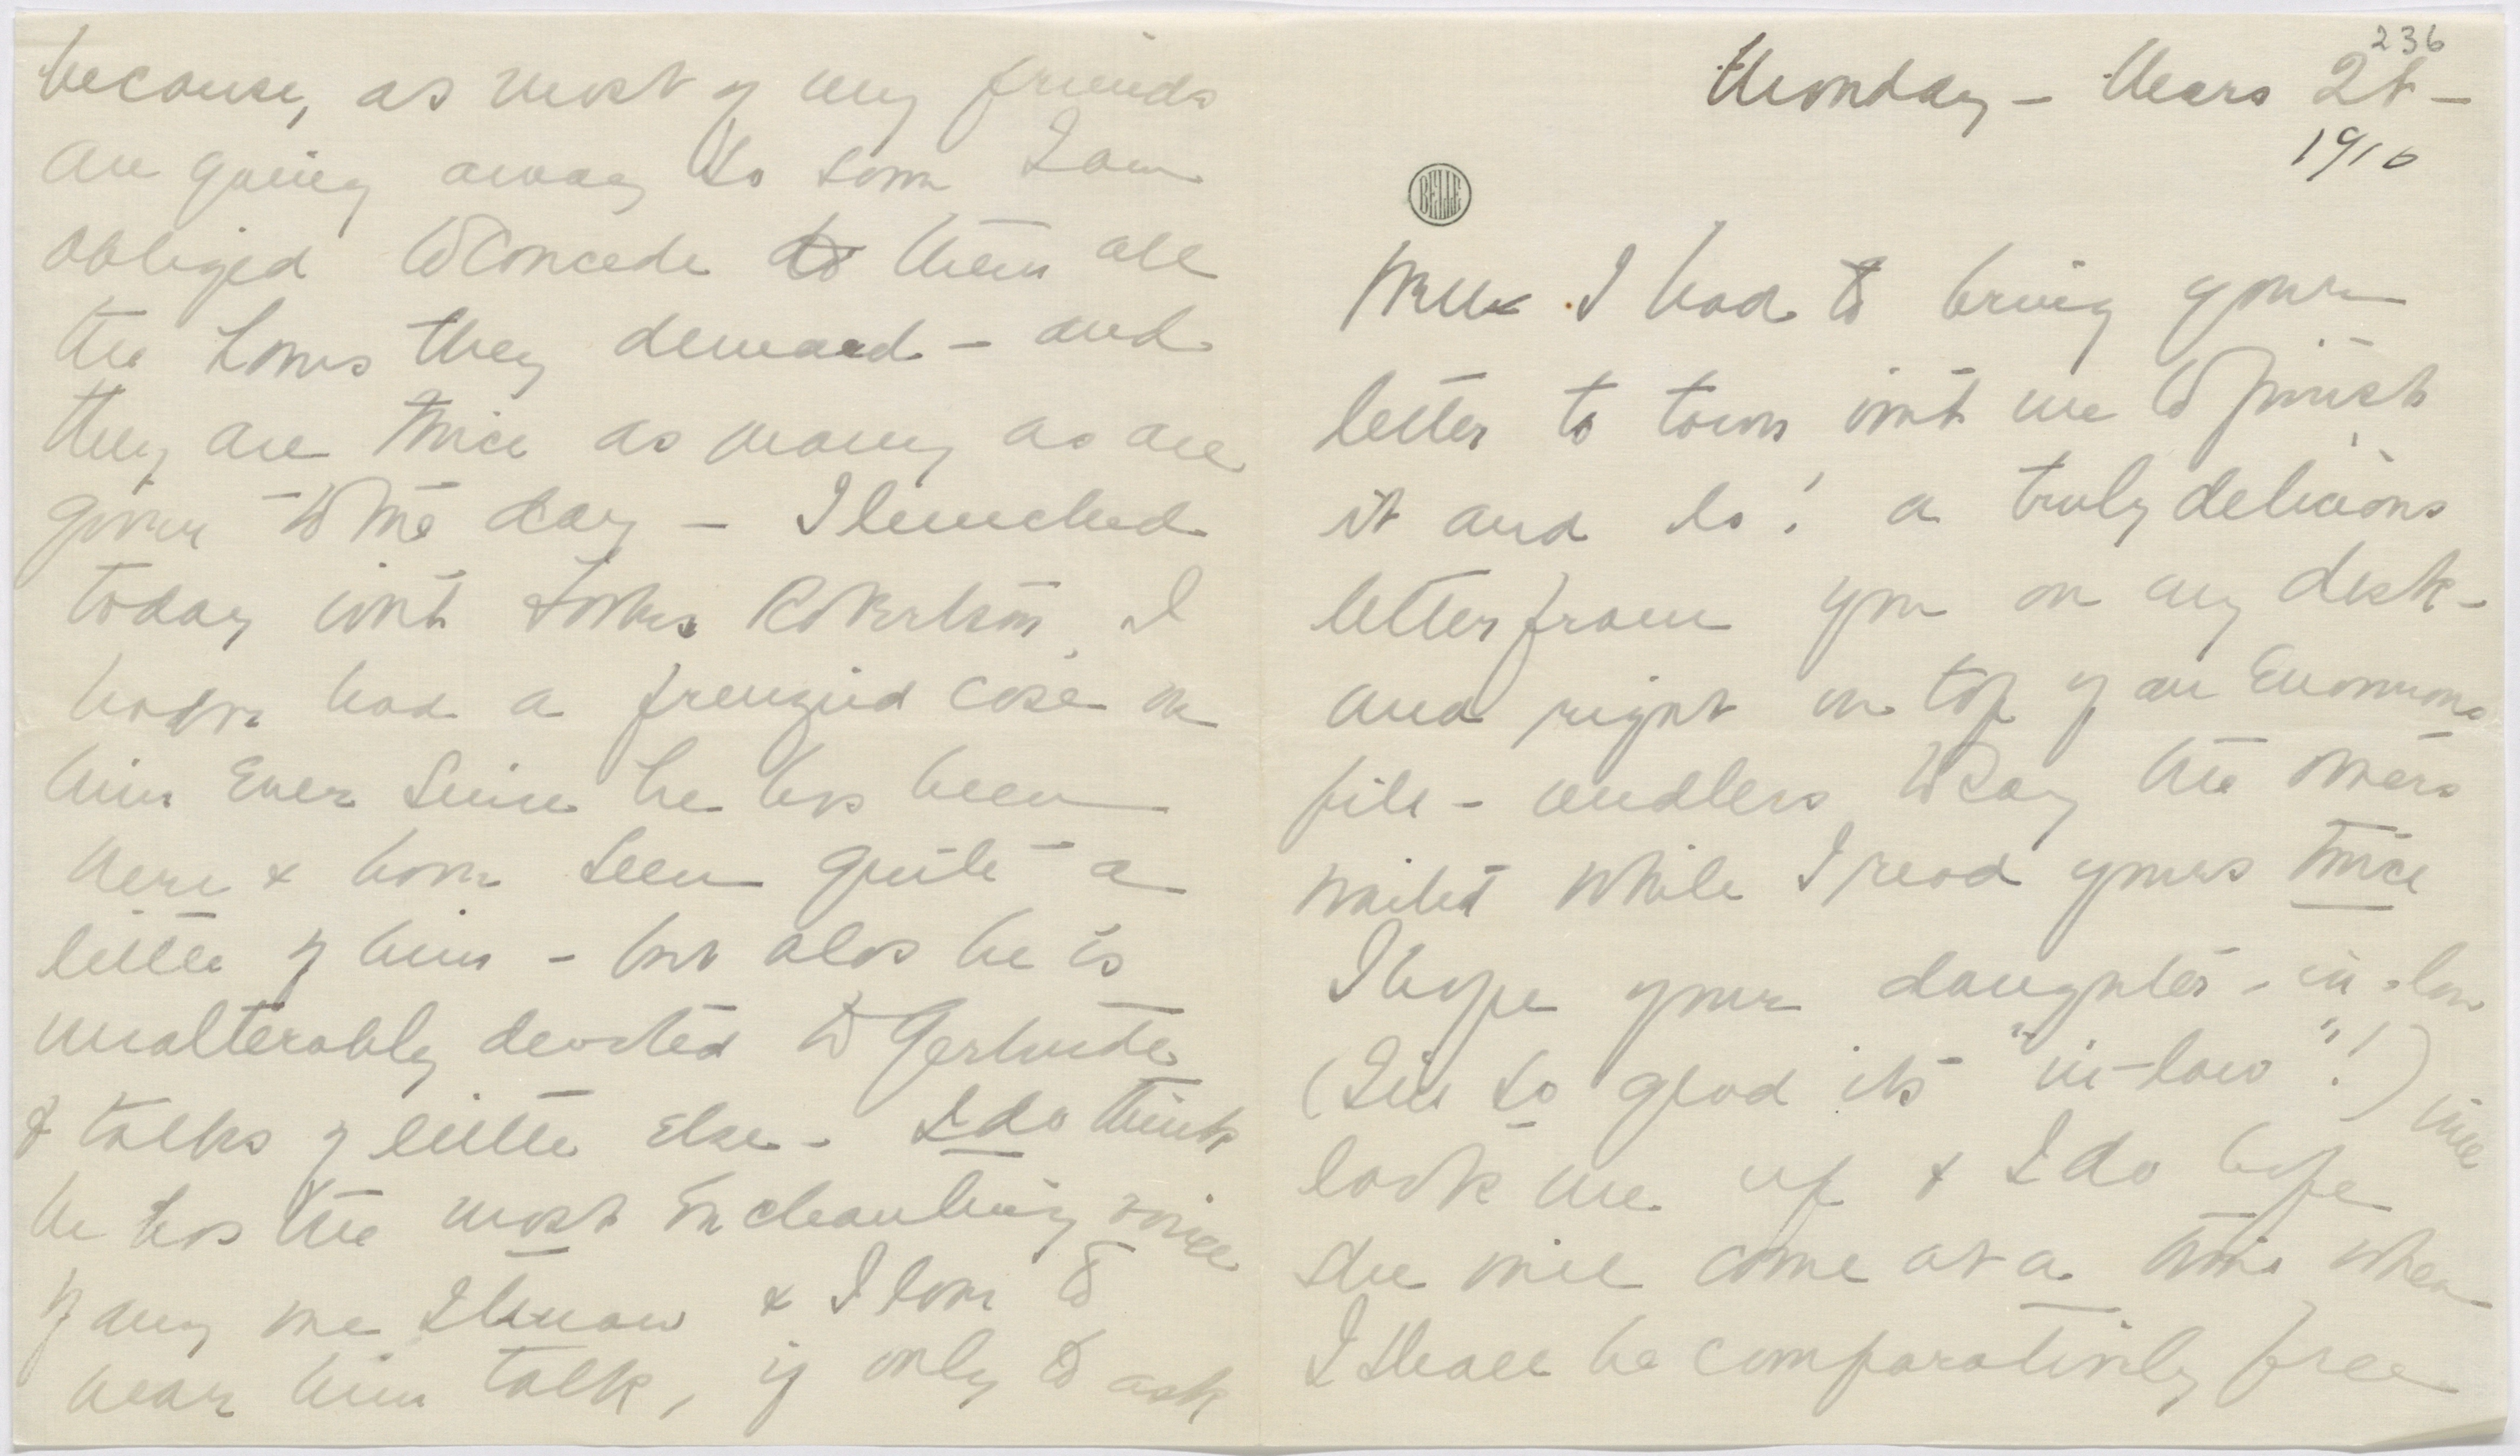Monday – Mars 28
Well I had to bring your letter to town with me to finish it and lo! a truly delicious letter from you on my desk – and right on top of an enormous pile – needless to say the others waited while I read yours twice
I hope your daughter-in-law (I’m so glad its “in-law”!) will look me up & I do hope she will come at a time when I shall be comparatively free
because, as most of my friends are going away so soon I am obliged to concede to them all the hours they demand – and they are twice as many as are given to the day – I lunched today with Forbes Robertson, I have had a frenzied case on him ever since he has been here & have seen quite a little of him – but alas he is unalterably devoted to Gertrude & talks of little else – I do think he has the most enchanting voice of any one I know & I love to hear him talk, if only to ask